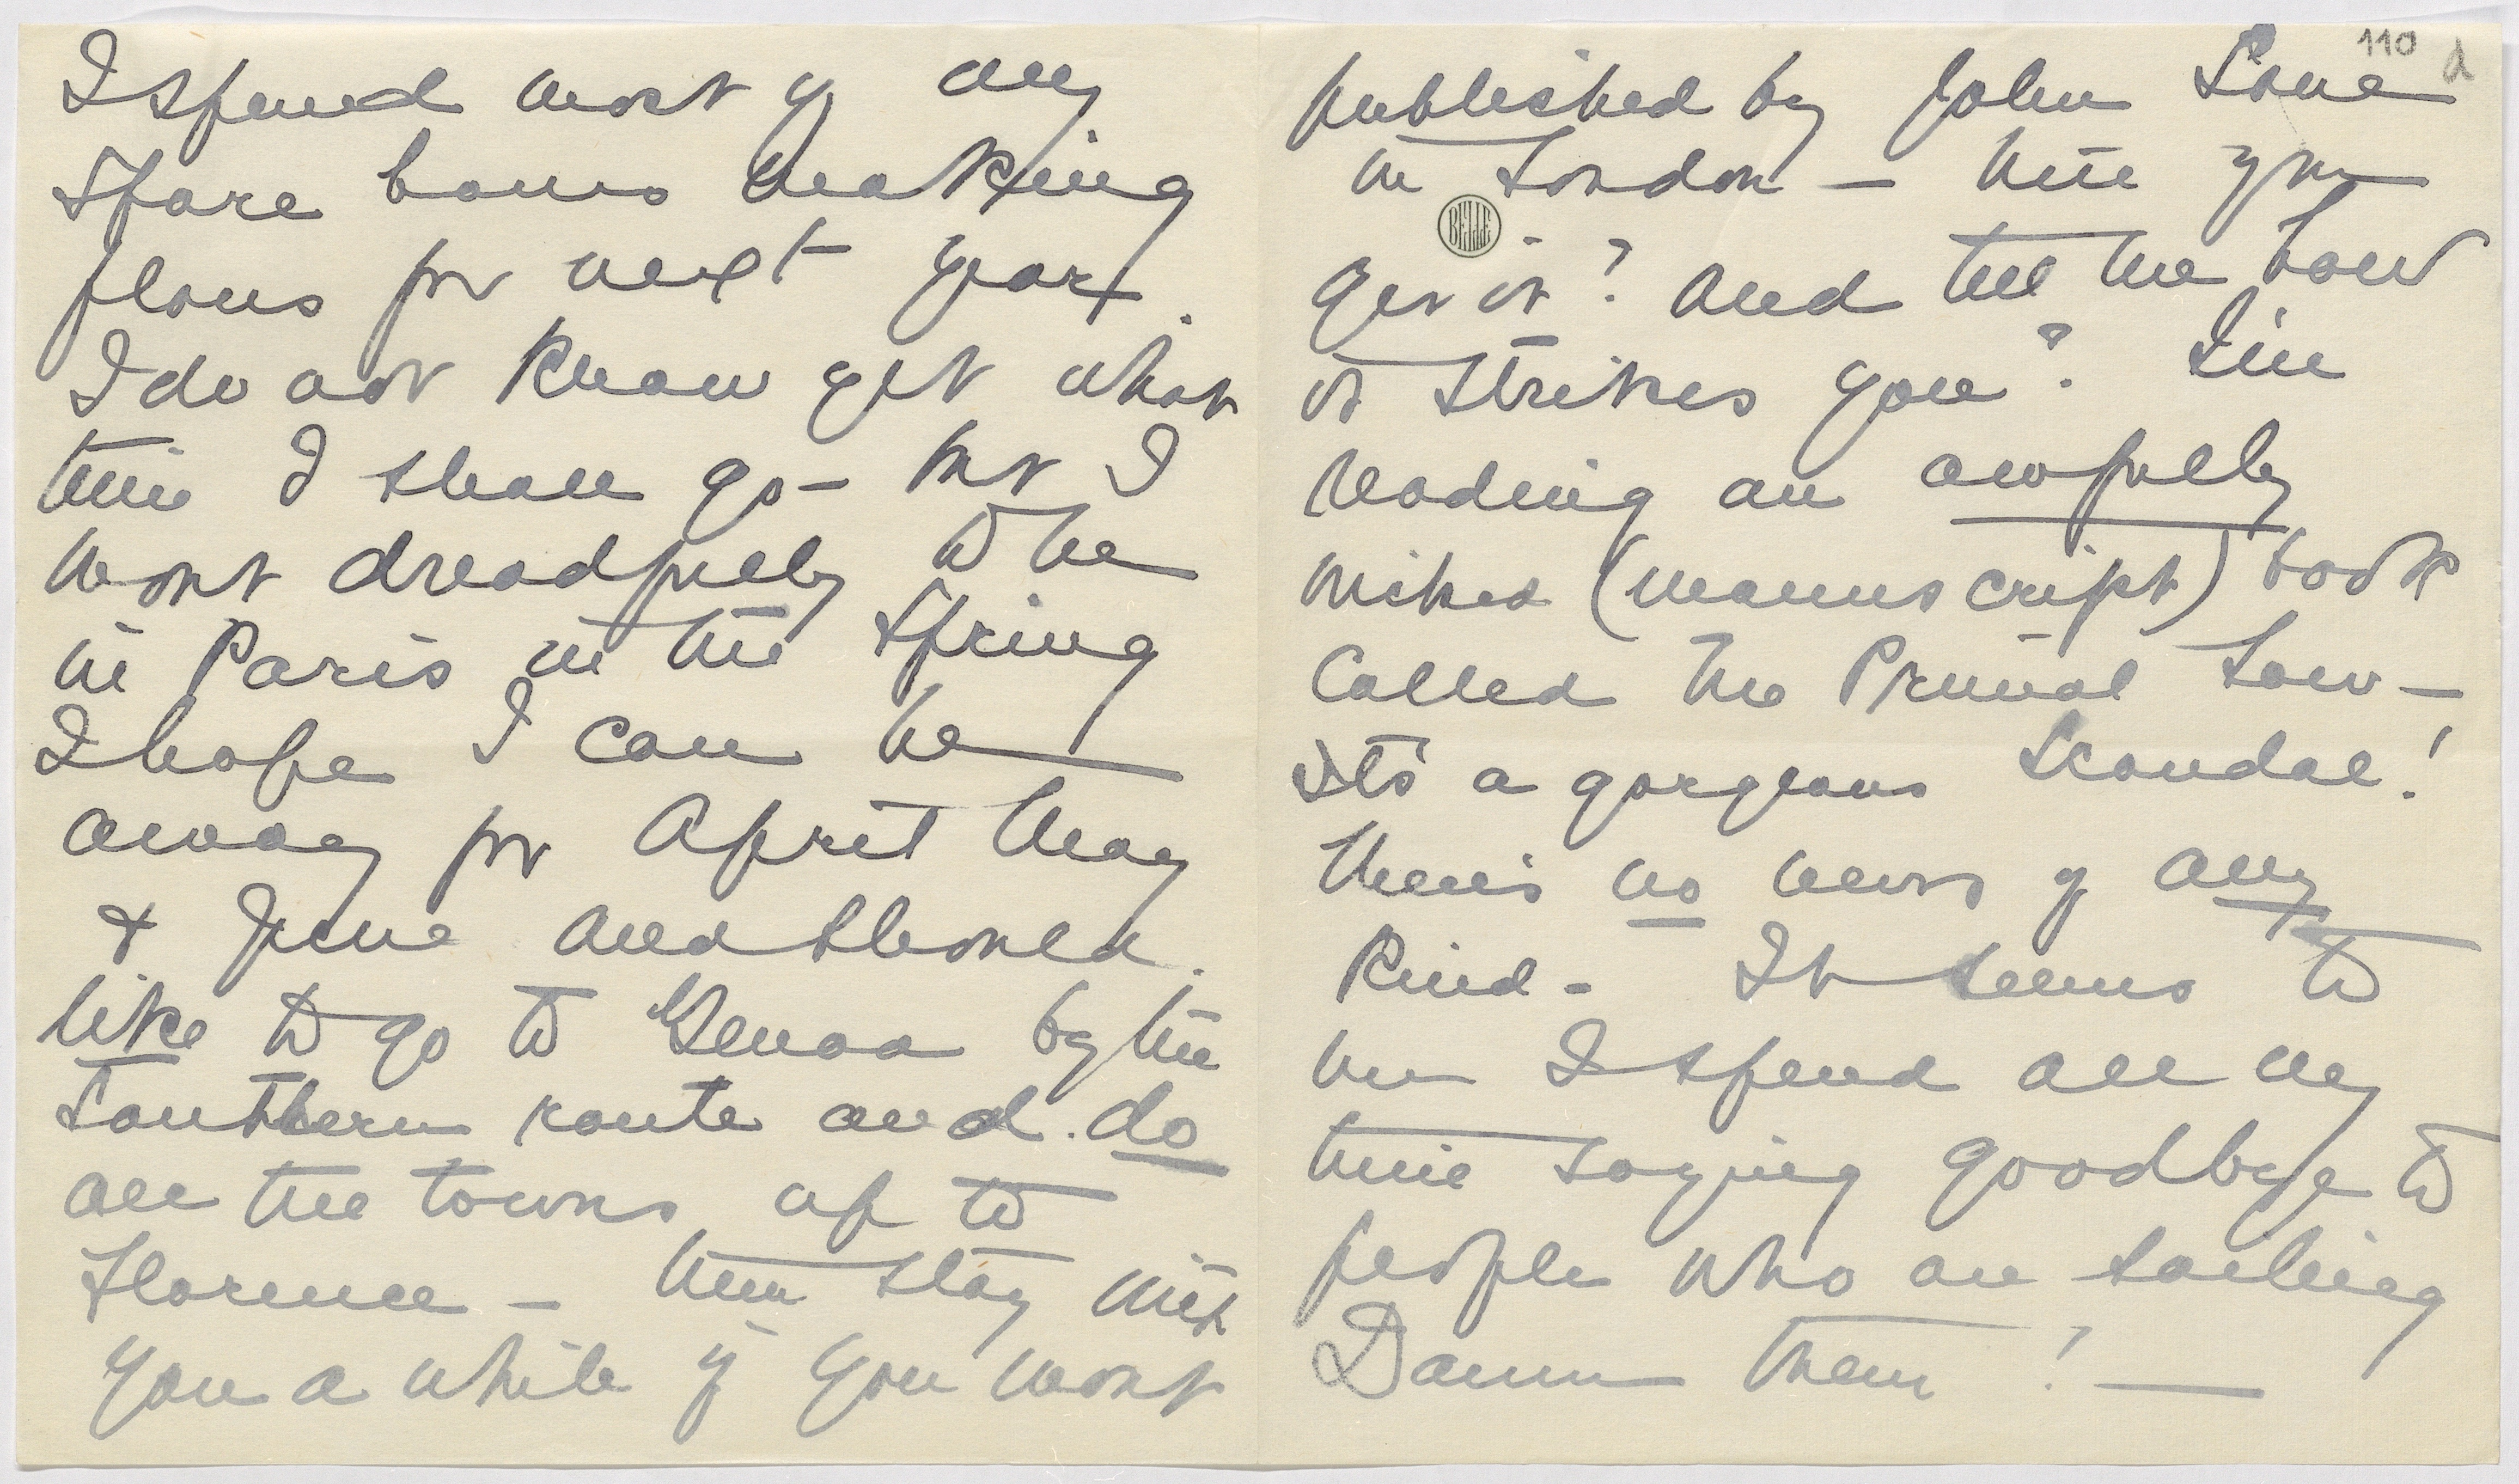published by John Lane in London – will you get it? and tell me how it strikes you? I’m reading an awfully wicked (manuscript) book called the Primal Law – It’s a gorgeous scandal! There’s no news of any kind – It seems to me I spend all my time saying goodbye to people who are sailing Damn them! –
I spend most of my spare hours making plans for next year. I do not know yet what time I shall go – but I want dreadfully to be in Paris in the spring I hope I can be away for April May & June and should like to go to Genoa by the Southern route and do all the towns up to Florence – then stay with you a while if you want